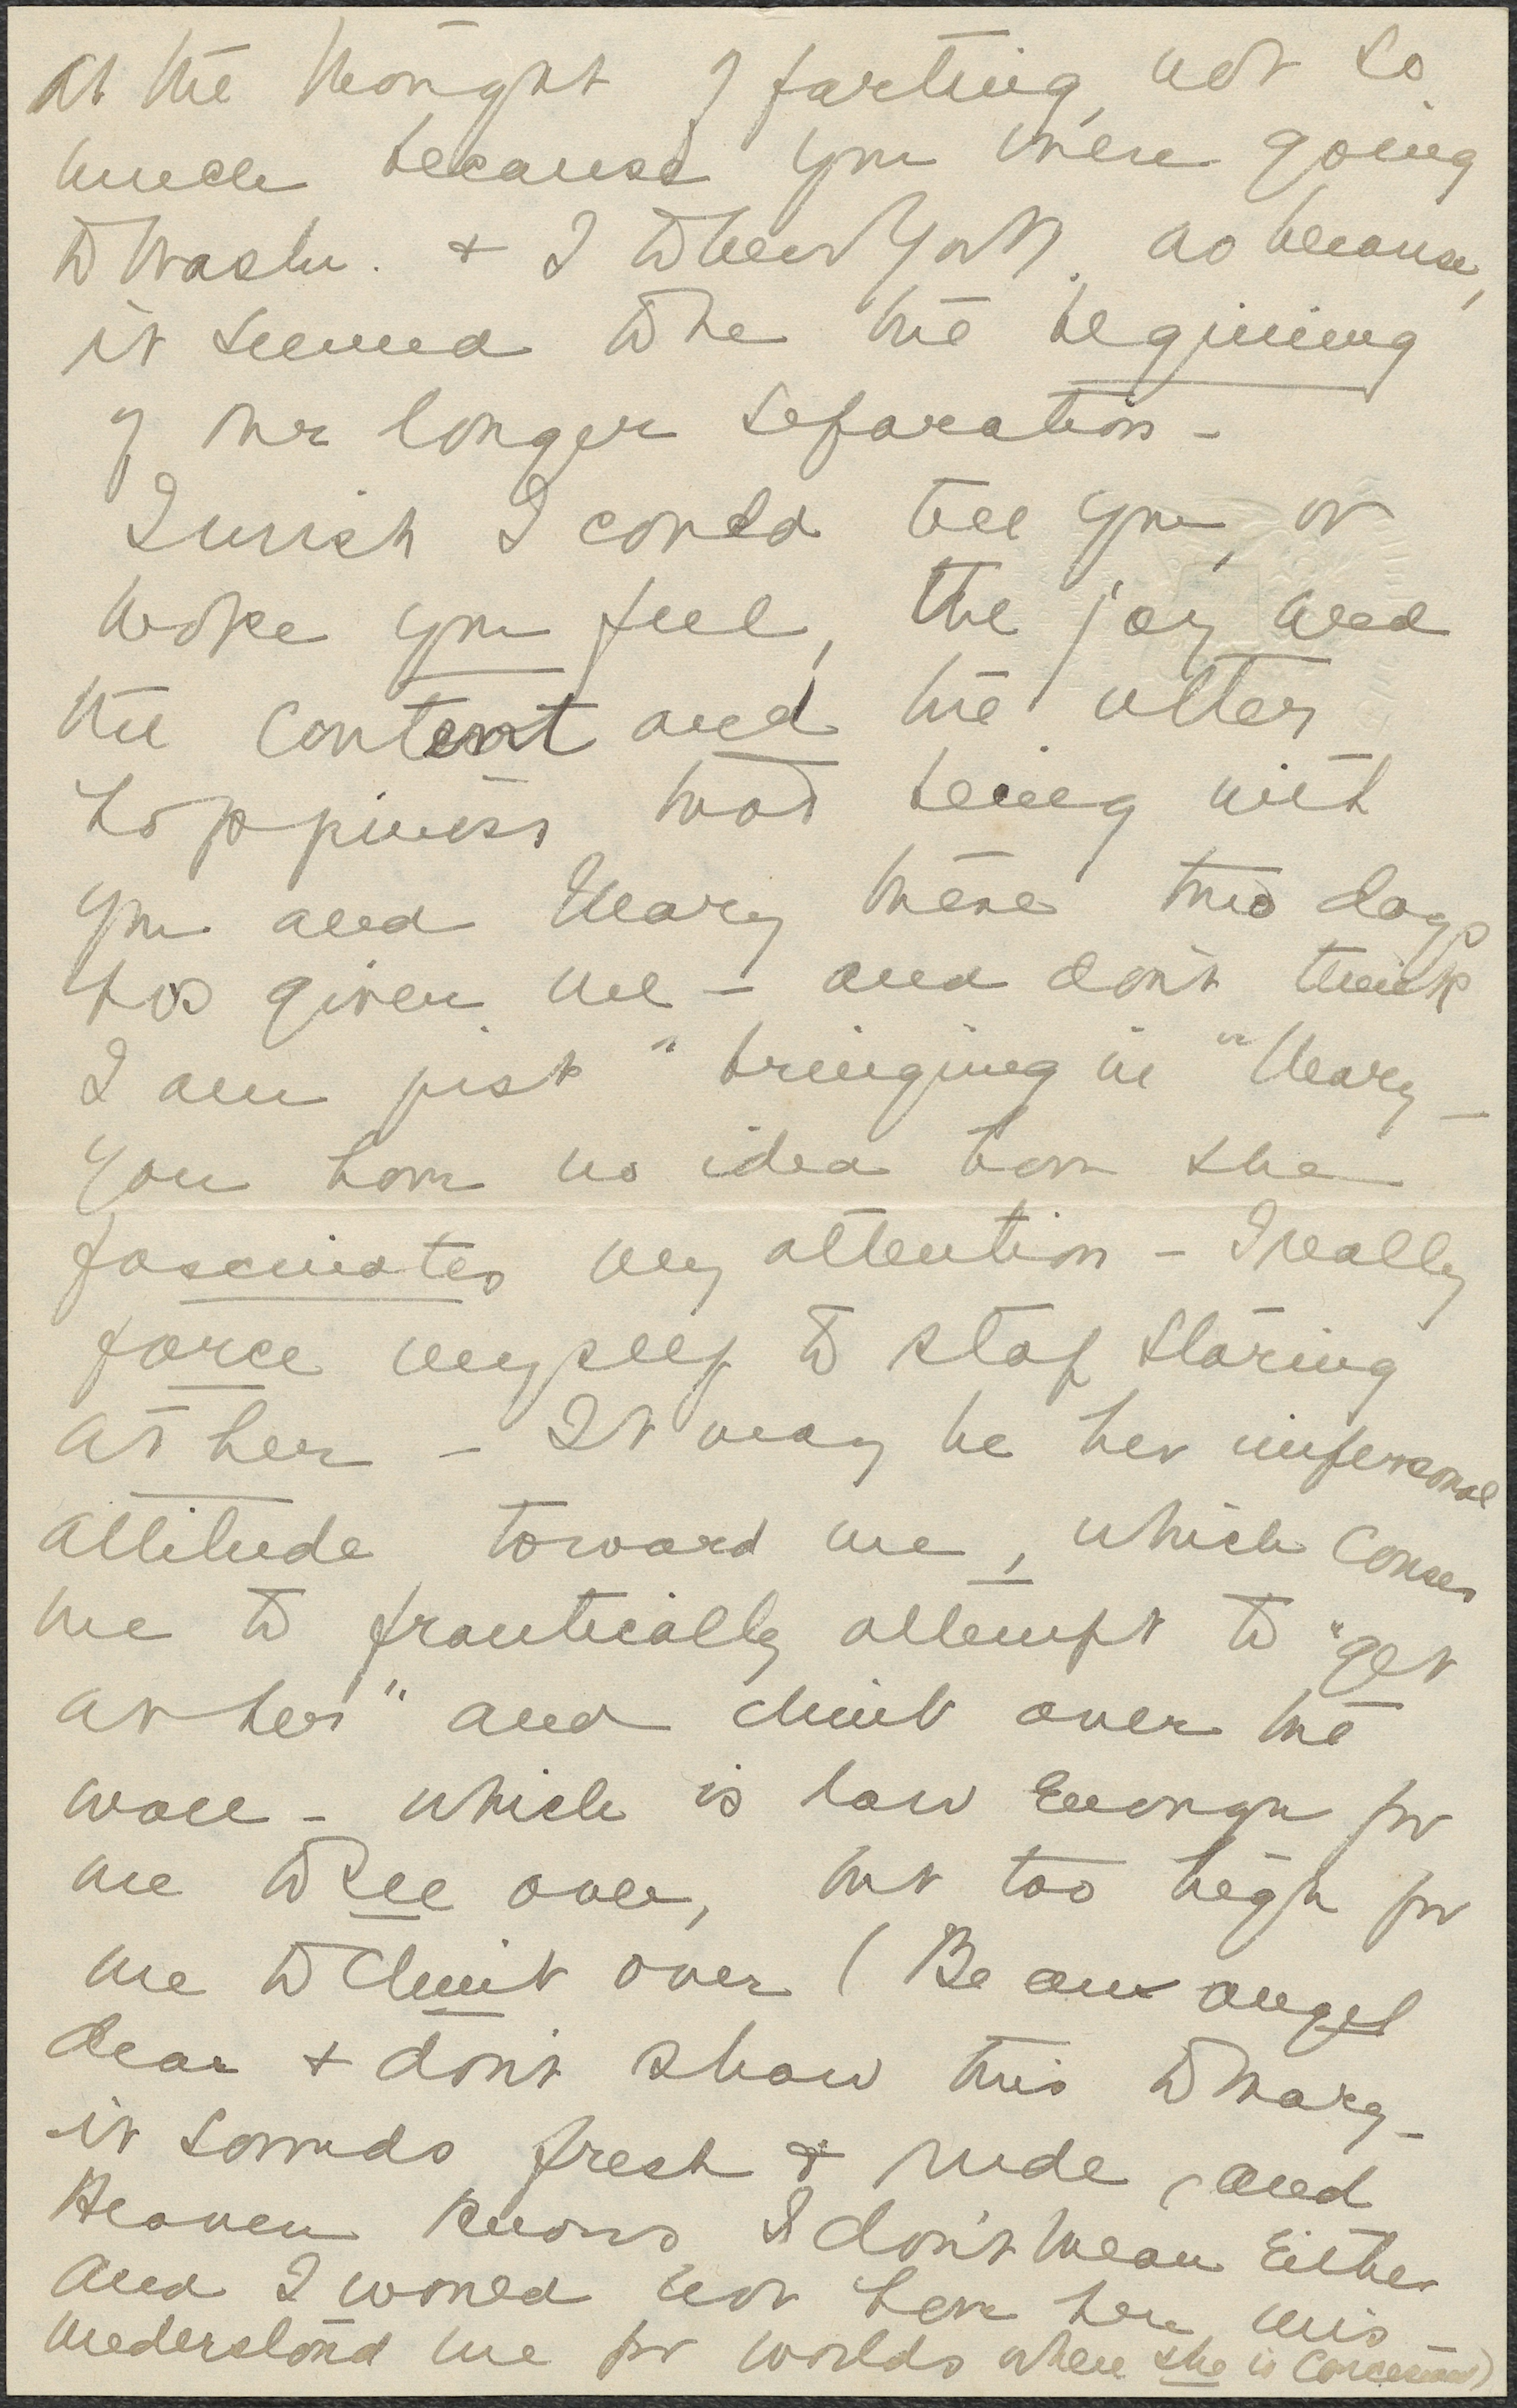at the thought of parting not so much because you were going to Wash. & I to New York. no because, it seemed to be the beginning of our longer separation –
I wish I could tell you, or make you feel, the joy and the content and the utter happiness that being with you and Mary there two days has given me – and don’t think I am just “bringing in” Mary – you have no idea how she fascinates my attention – I really force myself to stop staring at her – It may be her impersonal attitude toward me, which causes me to frantically attempt to “get at her” and climb over the wall – which is low enough for me to see over, but too high for me to climb over (Be an angel dear & don’t show this to Mary – it sounds fresh & rude, and Heaven knows I don’t mean either and I would not have her misunderstand me for worlds where she is concerned)